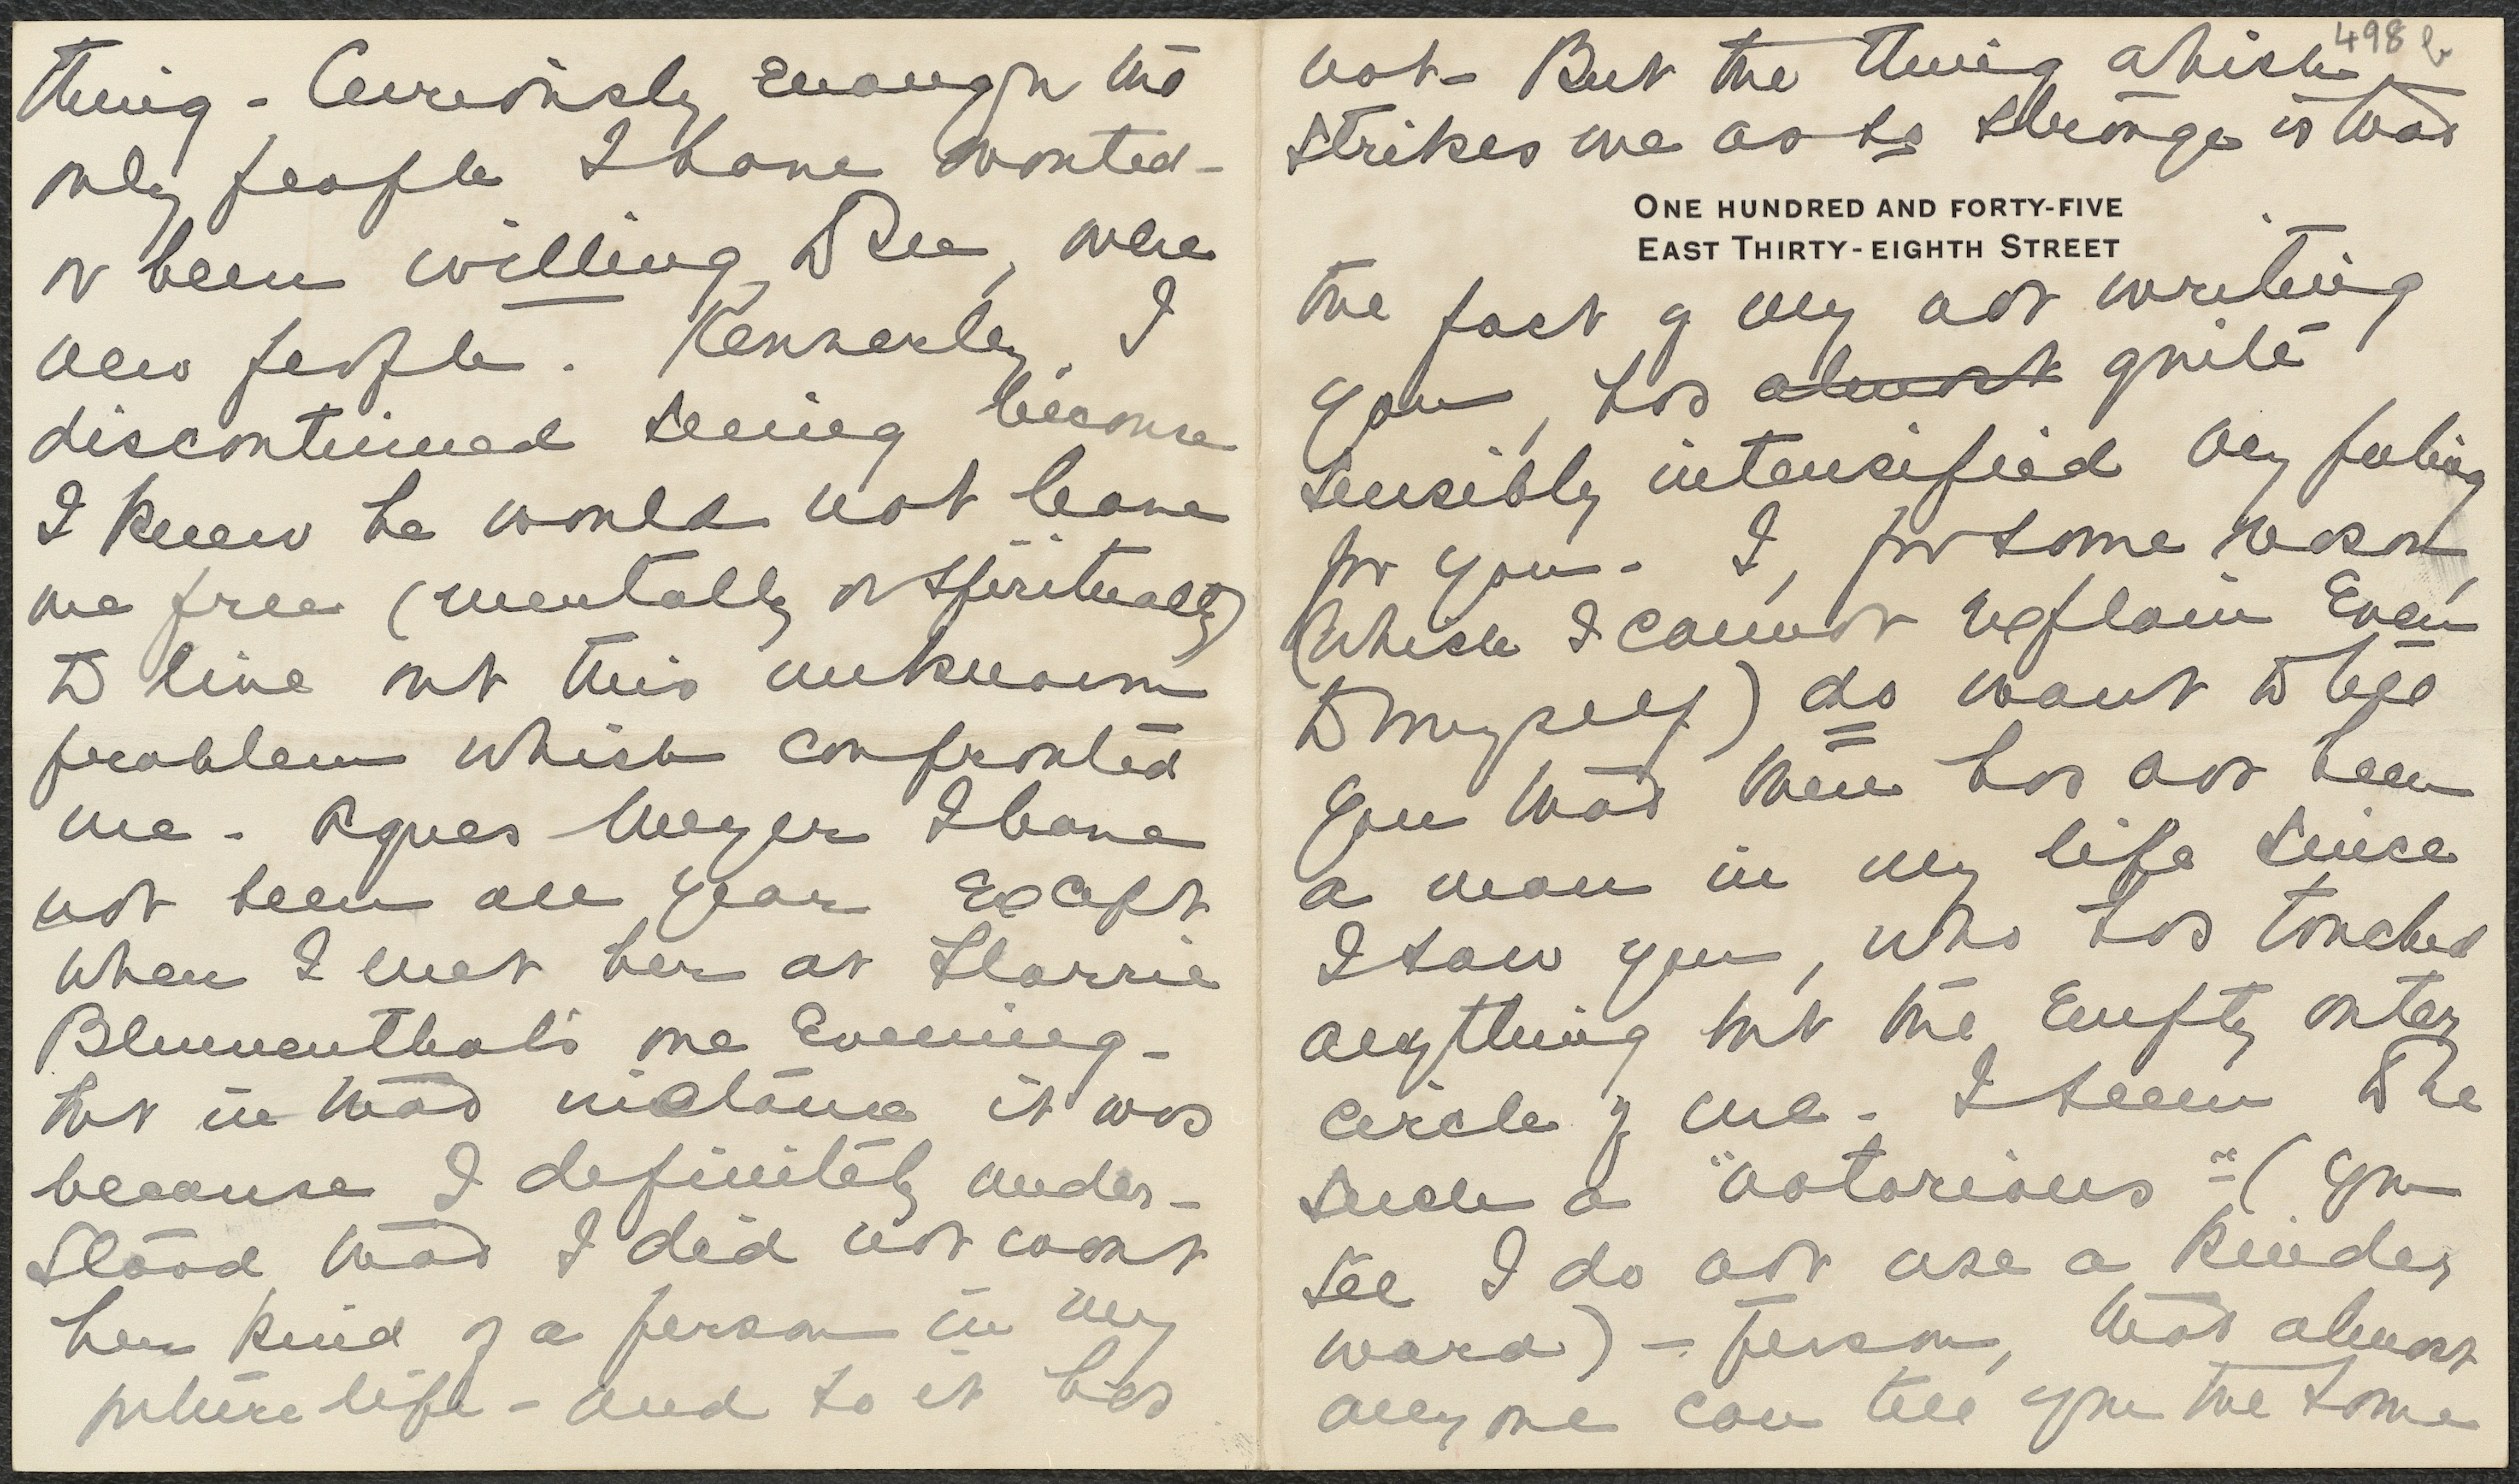not – But the thing which strikes me as so strange is that the fact of my not writing you, has almost quite sensibly intensified my feeling for you – I, for some reason (which I cannot explain even to myself) [double-underlined: do] want to tell you that there has not been a man in my life since I saw you, who has touched anything but the empty outer circle of me. I seem to be such a "notorious" (you see I do not use a kinder word) – person, that almost anyone can tell you the same
thing – Curiously enough the only people I have wanted or been willing to see, were new people. Kennerley, I discontinued seeing because I knew he would not leave me free (mentally or spiritually) to live out this unknown problem which confronted me – Agnes Meyer I have not seen all year except when I met her at Florrie Blumenthal's one evening – but in that instance it was because I definitely understood that I did not want her kind of a person in my future life – and so it has